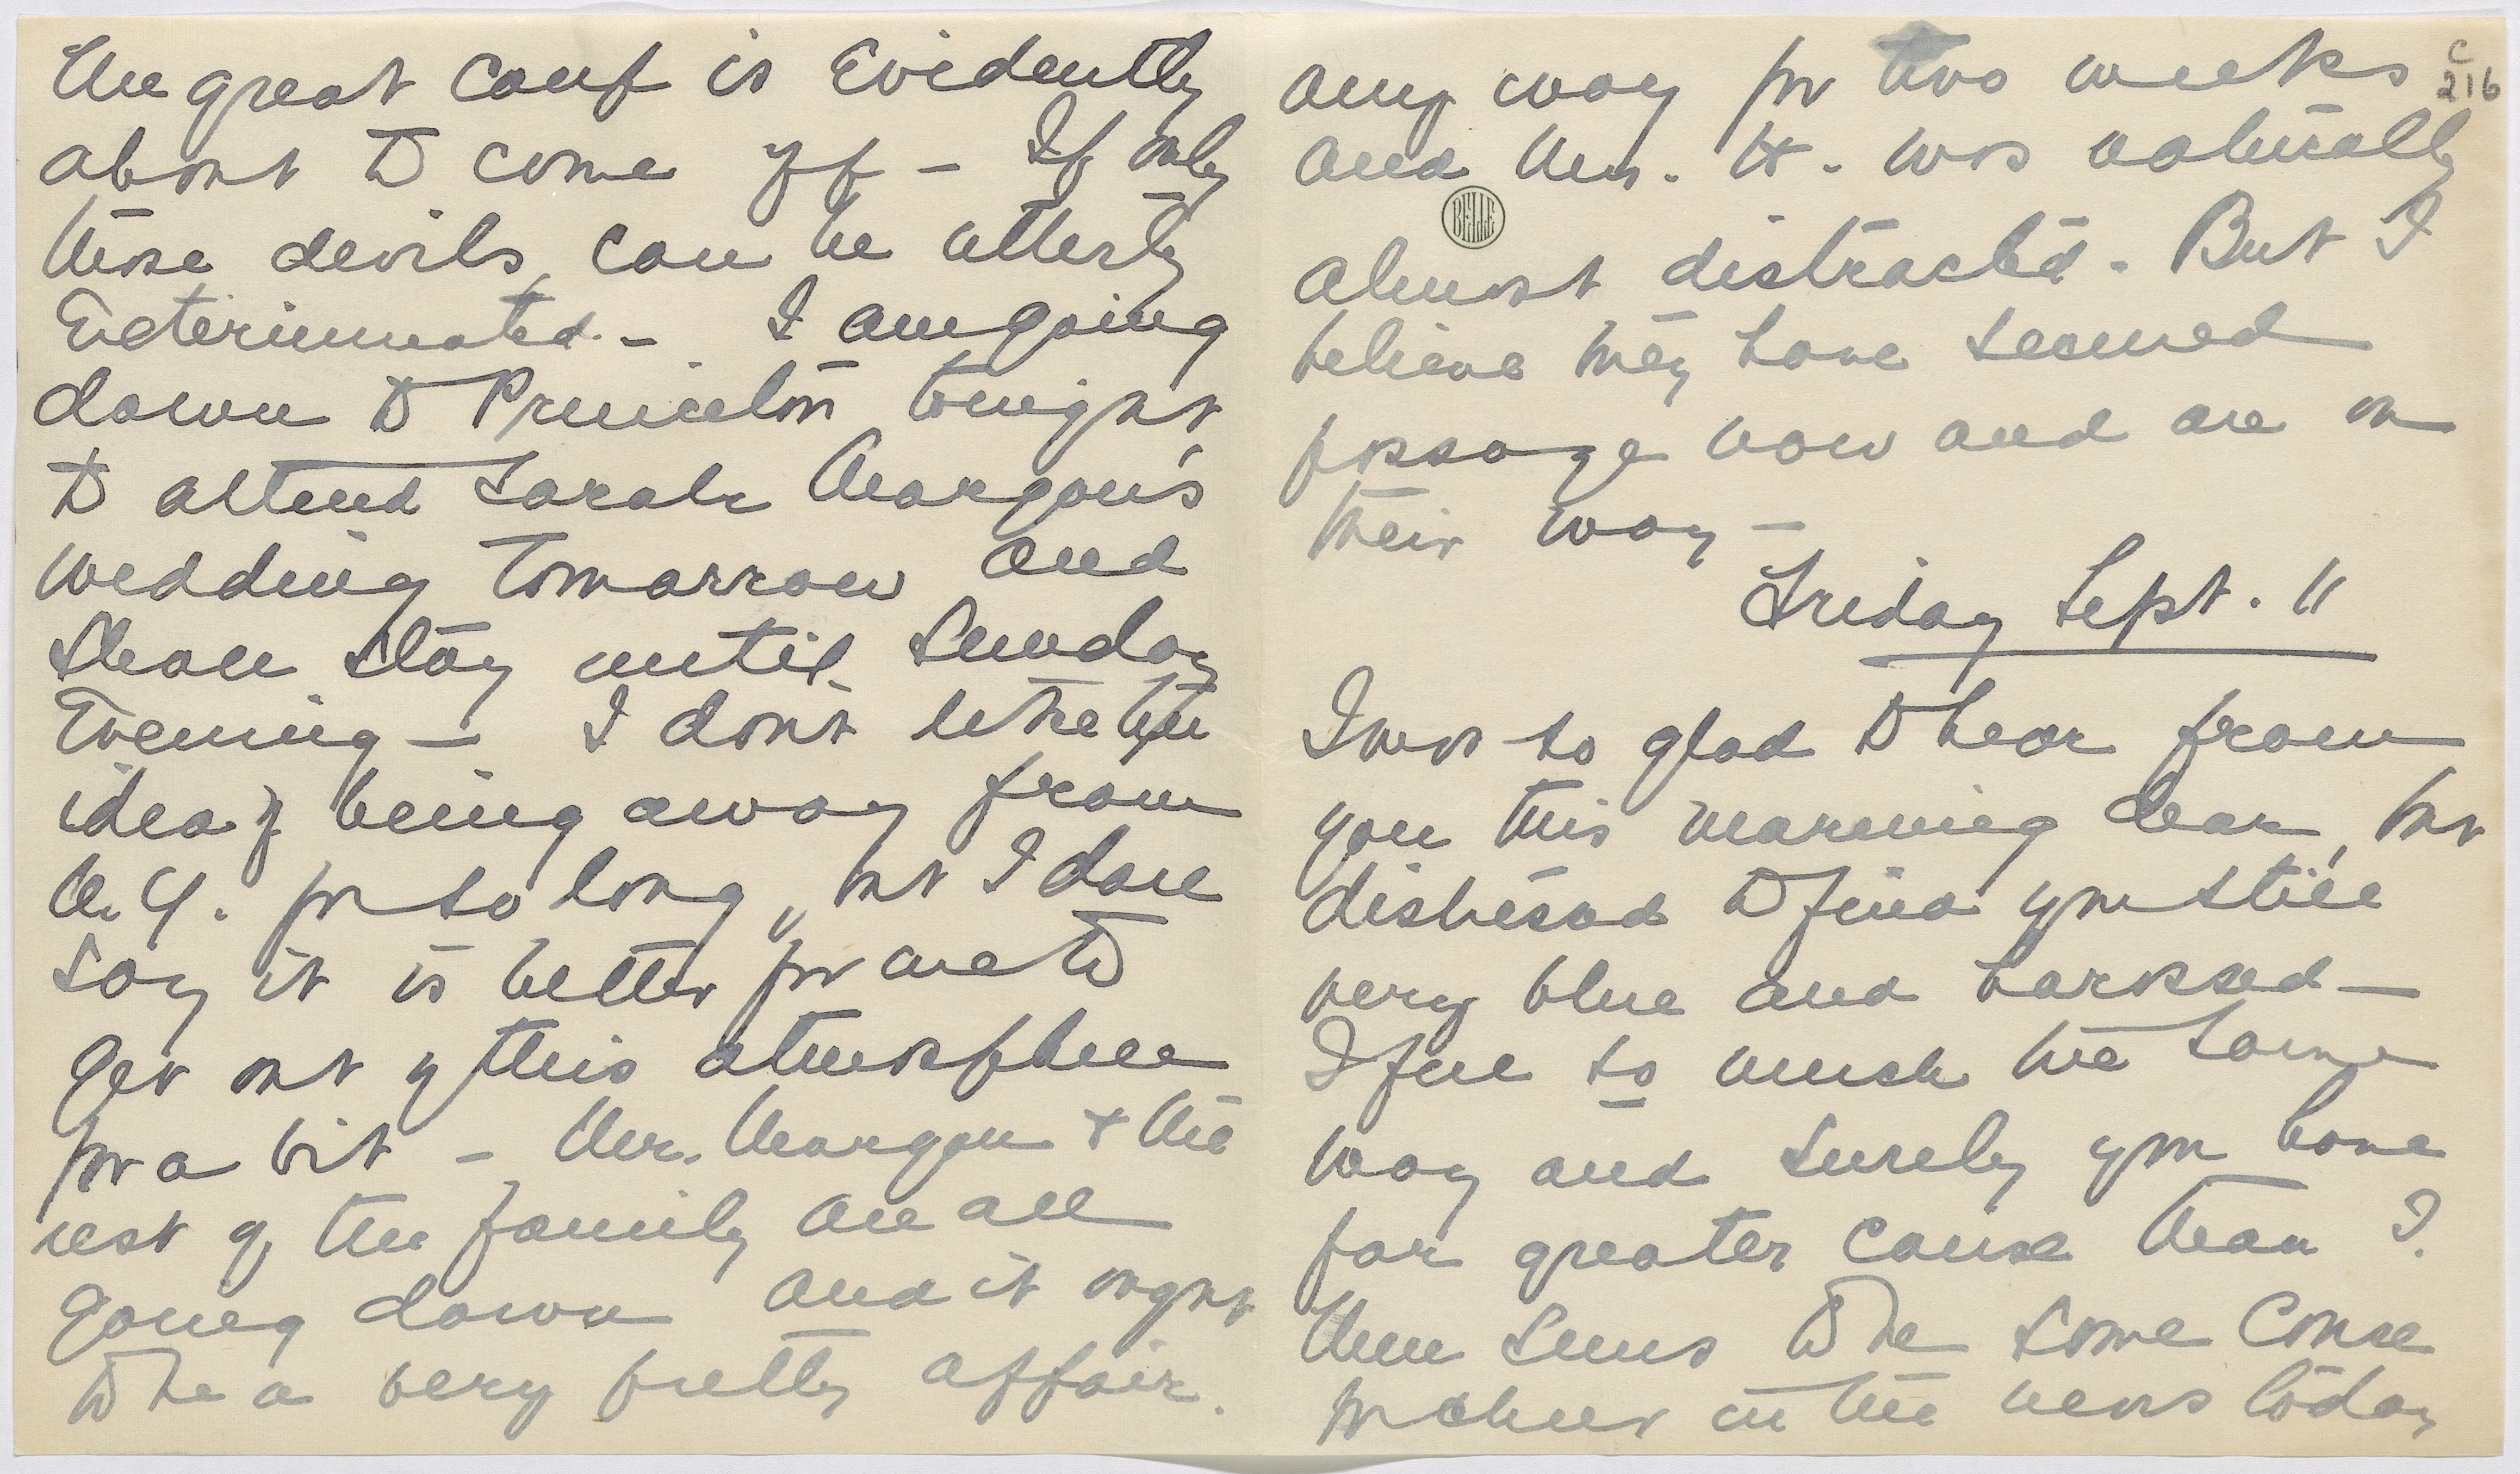any way for two weeks and Mrs. H. was naturally almost distracted. But I believe they have secured passage now and are on their way –
Friday Sept. 11
I was so glad to hear from you this morning dear, but distressed to find you still very blue and harassed –
I feel so much the same way and surely you have far greater cause than I. There seems to be some cause for cheer in the news today
the great coup is evidently about to come off – If only those devils can be utterly exterminated – I am going down to Princeton tonight to attend Sarah Morgan’s wedding tomorrow and shall stay until Sunday evening – I don’t like the idea of being away from N.Y. for so long, but I dare say it is better for me to get out of this atmosphere for a bit – Mr. Morgan & the rest of the family are all going down and it ought to be a very pretty affair.